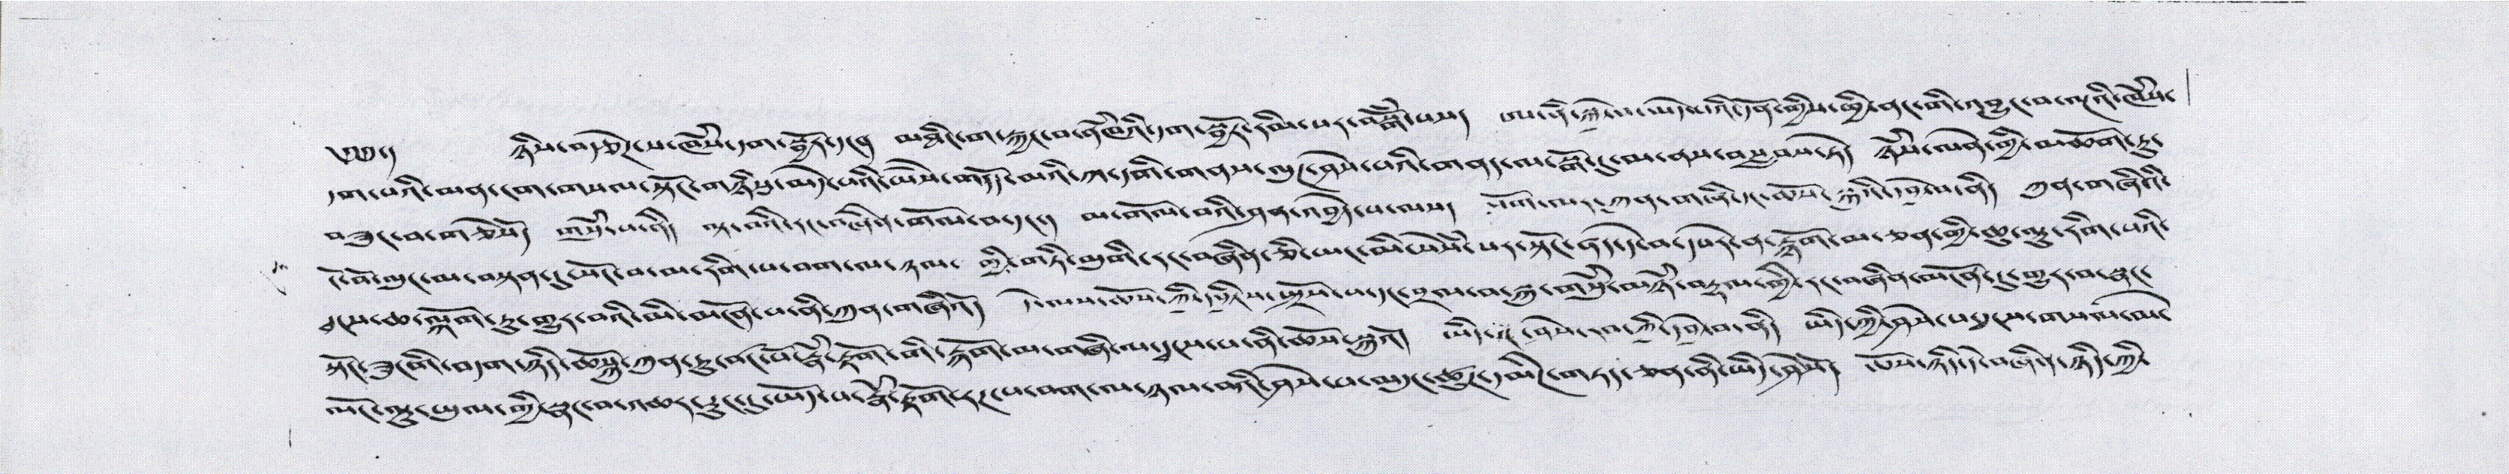ཉིས་བརྩེགས་ས་ཁམས་དག་སྦྱོར་དང། མཐིང་ག་རྐྱང་བ་ནམ་མཁའི་དག་སྦྱོར་རིམ་པར་བསྒོམ་པས། ཨ་ནི་སྐྱེ་བ་མེད་པའི་དོན་གྱིས་ཕྱི་ནང་གི་འབྱུང་བ་ལྔའི་ཁམས་
དག་པའི་མན་ངག་གསལ་སྟོང་གཉིས་སུ་མེད་པའི་ཡེ་ཤེས་གདོད་མའི་ཀ་དག་གི་གནས་ལུགས་ཤེས་པའི་གནད་ལ་སྒོ་དུ་མ་ནས་བསླབས་ཏེ། ཉམས་ལེན་གྱི་མཆོག་ཏུ་
བཟུང་བ་གཅེས་སོ། གསུམ་པ་ནི། ལྟ་བའི་རང་བཞིན་གོལ་བ་དང། མ་གོལ་བའི་ཤན་འབྱེད་པ་ལས། ཐོག་མར་ཀུན་གཞི་དང་ཆོས་སྐུའི་དབྱེ་བ་ནི། ཀུན་གཞིའི་
ངོ་བོ་ལུང་མ་བསྟན་དུ་སོང་བ་མ་རིག་པ་བག་ལ་ཉལ་གྱི་གཏི་མུག་གི་རང་བཞིན་ཅི་ཡང་མི་སེམས་པར་སྟོང་ཧད་དེ་བ་དཔེར་ན་རྙོག་མ་ཅན་གྱི་ཆུ་ལྟ་བུ་རིག་པའི་
དྭངས་ཆ་ལྐོག་ཏུ་གྱུར་བའི་མི་མངོན་པ་ནི་ཀུན་གཞིའོ། དེ་ལས་ཆོས་ཀྱི་དབྱིངས་སྤྲོས་པ་དང་བྲལ་བ་སྐུ་གསུམ་མཉམ་བརྡལ་གྱི་རང་བཞིན་མངོན་དུ་གྱུར་བ་སྣང་
སྟོང་ཟུང་འཇུག་གི་བདག་ཉིད་ཆོས་སྐུ་ཀུན་ཏུ་བཟང་པོ་རྣམ་རྟོག་གི་རྙོག་མ་གཞི་ལ་དྭངས་པ་ནི་ཆོས་སྐུའོ། ཡིད་ཀྱི་ཤེས་རབ་ཀྱི་དབྱེ་བ་ནི། ཡིད་ཀྱི་ཤེས་པ་དྭངས་གསལ་མེ་
ལོང་ལྟ་བུ་ཡུལ་གྱི་སྣང་བ་འཆར་རུང་དུ་ཡོད་པ་རྣམ་རྟོག་རགས་པ་བག་ལ་ཉལ་བའི་ཤེས་པ་མདུང་ཚུགས་དམིགས་གཏད་ཅན་ནི་ཡིད་ཤེས་སོ། ཆོས་ཉིད་དེ་བཞིན་ཉིད་ཀྱི་